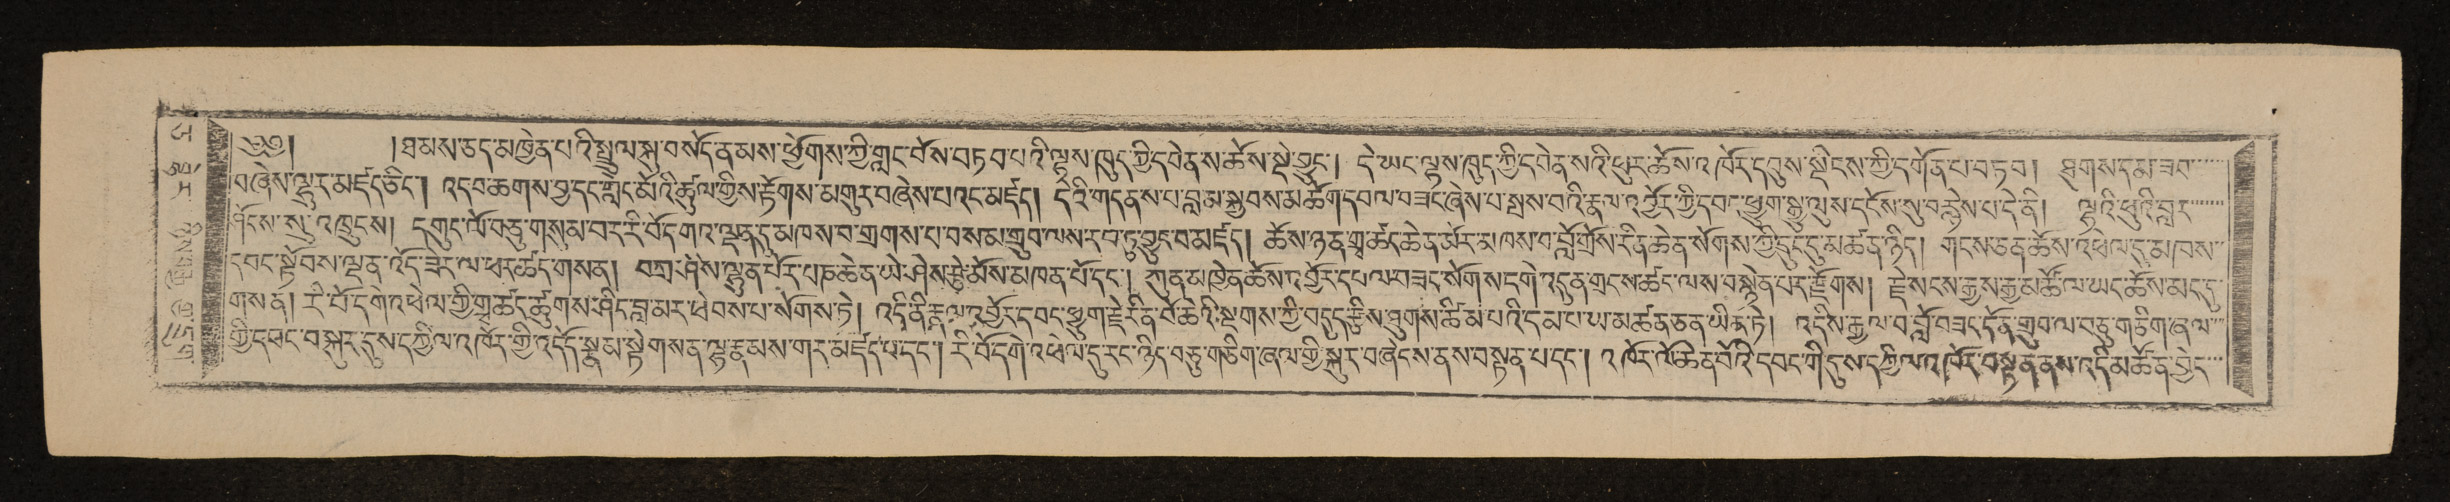༄༅། །ཐམས་ཅད་མཁྱེན་པའི་སྤྲུལ་སྐུ་བསོད་ནམས་ཕྱོགས་ཀྱི་གླང་པོས་བཏབ་པའི་ལྷས་ཁུད་ཀྱི་དབེན་ས་ཆོས་སྡེ་བྱུང་། དེ་ཡང་ལྷས་ཁུད་ཀྱི་དབེན་པའི་ཕུར་ཆོས་འཁོར་དབུས་སྡིངས་ཀྱི་དགོན་པ་བཏབ། ཐུགས་དམ་ཟབ་
བཞེས་ལྷུར་མཛད་ཅིང་། འདབ་ཆགས་བྱ་དང་གླེང་མོའི་ཚུལ་གྱིས་རྟོགས་མགུར་བཞེས་བའང་མཛད། དེའི་གདན་ས་བ་བླ་མ་སྐྱབས་མཆོག་དཔལ་བཟང་ཞེས་པ་སྤས་བའི་རྣལ་འབྱོར་གྱི་དབང་ཕྱུག་སྒྱུ་ལུས་དངོས་སུ་བརྙེས་པ་དེ་ནི། ལྷའི་ཕུའི་བླར་
ཤོངས་སུ་འཁྲུངས། དགུང་ལོ་བཅུ་གསུམ་བར་རི་བོ་དགའ་ལྡན་དུ་མཁས་པ་གྲགས་པ་བསམ་གྲུབ་ལས་རབ་ཏུ་བྱུང་བ་མཛད། ཆོས་ཉན་གྲྭ་ཚང་ཆེན་མོར་མཁས་པ་བློ་གྲོས་རིན་ཆེན་སོགས་ཀྱི་དྲུང་དུ་མཚན་ཉིད། གངས་ཅན་ཆོས་འཕེལ་དུ་མཁས་
དབང་སྟོབས་ལྡན་འོད་ཟེར་ལ་ཕར་ཚད་གསན། བཀྲ་ཤིས་ལྷུན་པོར་པཎ་ཆེན་ཡེ་ཤེས་རྩེ་མོས་མཁན་པོ་དང་། ཀུན་མཁྱེན་ཆོས་འབྱོར་དཔལ་བཟང་སོགས་དགེ་འདུན་གྲངས་ཚང་ལས་བསྙེན་པར་རྫོགས། རྗེ་སངས་རྒྱས་རྒྱ་མཚོ་ལ་ཡང་ཆོས་མང་དུ་
གསན། རི་བོ་དགེ་འཕེལ་གྱི་གྲྭ་ཚང་ཚུགས་ཤིང་བླ་མར་ཕེབས་པ་སོགས་ཏེ། འདི་ནི་རྣལ་འབྱོར་དབང་ཕྱུག་རྗེ་རིན་པོ་ཆེའི་སྔགས་ཀྱི་བདུད་རྩིས་ཐུགས་ཚིམ་པའི་དམ་པ་ཡ་མཚན་ཅན་ཡིན་ཏེ། འདིས་རྒྱལ་བ་བློ་བཟང་དོན་གྲུབ་ལ་བཅུ་གཅིག་ཞལ་
གྱི་དབང་བསྐུར་དུས་དཀྱིལ་འཁོར་གྱི་འདོད་སྣམ་སྟེ་གསན་ལྷ་རྣམས་གར་མཛད་པ་དང་། རི་བོ་དགེ་འཕེལ་དུ་རང་ཉིད་བཅུ་གཅིག་ཞལ་གྱི་སྐུར་བཞེངས་ནས་བསྟན་པ་དང་། འཁོར་ལོ་ཆེན་པོའི་དབང་གི་དུས་དཀྱིལ་འཁོར་བསྟན་ནས་འདི་མཚོན་བྱེད་